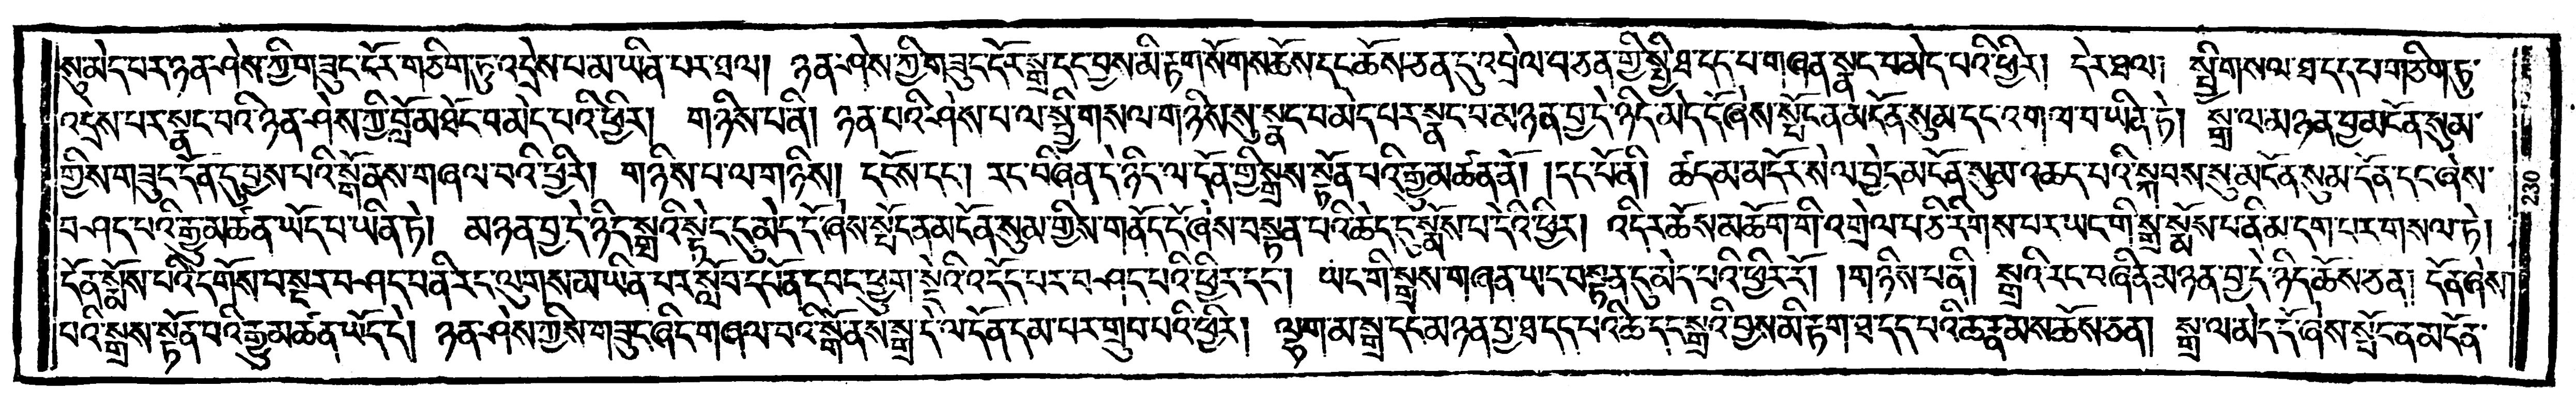སུ་མེད་པར་ཉན་ཤེས་ཀྱི་གཟུང་ངོར་གཅིག་ཏུ་འདྲེས་པ་མ་ཡིན་པར་ཐལ། ཉན་ཤེས་ཀྱི་གཟུང་དོར་སྒྲ་དང་བྱས་མི་རྟག་སོགས་ཆོས་དང་ཆོས་ཅན་དུ་འབྲེལ་བ་ཅན་གྱི་སྤྱི་ཐ་དད་པ་གཞན་སྣང་བ་མེད་པའི་ཕྱིར། དེར་ཐལ། སྤྱི་གསལ་ཐ་དད་པ་གཅིག་ཏུ་
འདྲེས་པར་སྣང་བའི་ཉན་ཤེས་ཀྱི་བློ་མཐོང་བ་མེད་པའི་ཕྱིར། གཉིས་པ་ནི། ཉན་པའི་ཤེས་པ་ལ་སྤྱི་གསལ་གཉིས་སུ་སྣང་བ་མེད་པར་སྣང་བ་མཉན་བྱ་དེ་ཉིད་མེད་དོ་ཞེས་སྤོང་ན་མངོན་སུམ་དང་འགལ་བ་ཡིན་ཏེ། སྒྲ་ལ་མཉན་བྱ་མངོན་སུམ་
གྱིས་མི་གནོད་པ་དང་། ཐུན་མོང་མ་ཡིན་པའི་རང་མཚན་བཀག་གནོད་པའོ། །དང་པོ་ནི། སྒྲའི་སྟེང་གི་བྱས་མི་རྟག་གི་ཐ་དད་ཀྱི་ཆ་སོགས་ལྡོག་ཆོས་ཀྱི་རང་བཞིན་སྣ་ཚོགས་དང་། སྒྲའི་སྟེང་དུ་དོན་དམ་པར་གྲུབ་པའི་རང་བཞིན་གང་ཞིག་གཉིས་
བཤད་པའི་རྒྱུ་མཚན་ཡོད་པ་ཡིན་ཏེ། མཉན་བྱ་དེ་ཉིད་སྒྲའི་སྟེང་དུ་མེད་དོ་ཞེས་སྤོང་ན་མངོན་སུམ་གྱིས་གནོད་དོ་ཞེས་བསྟན་པའི་ཆེད་དུ་སྨོས་པ་དེའི་ཕྱིར། འདིར་ཆོས་མཆོག་གི་འགྲེལ་པ་ཅི་རིགས་པར་ཡང་གི་སྒྲ་སྨོས་པ་ནི་མ་དག་པར་གསལ་ཏེ།
དོན་སྨོས་པའི་དགོས་བ་སྔར་བཤད་པ་ནི་རང་ལུགས་མ་ཡིན་པར་སློབ་དཔོན་དབང་ཕྱུག་སྡེའི་འདོད་པར་བཤད་པའི་ཕྱིར་དང་། ཡང་གི་སྒྲས་གཞན་ཡང་བསྟན་དུ་མེད་པའི་ཕྱིར་རོ། །གཉིས་པ་ནི། སྒྲའི་རང་བཞིན་མཉན་བྱ་དེ་ཉིད་ཆོས་ཅན། དོན་ཞེས་
པའི་སྒྲས་སྟོན་པའི་རྒྱུ་མཚན་ཡོད་དེ། ཉན་ཤེས་ཀྱིས་གཟུང་ཞིང་གཞལ་བའི་སྒོ་ནས་སྒྲ་དེ་ལ་དོན་དམ་པར་གྲུབ་པའི་ཕྱིར། ལྷག་མ་སྒྲ་དང་མཉན་བྱ་ཐ་དད་པའི་ཆི་དང་སྒྲའི་བྱས་མི་རྟག་ཐ་དད་པའི་ཆ་རྣམས་ཆོས་ཅན། སྒྲ་ལ་མེད་དོ་ཞེས་སྤོང་ན་མངོན་